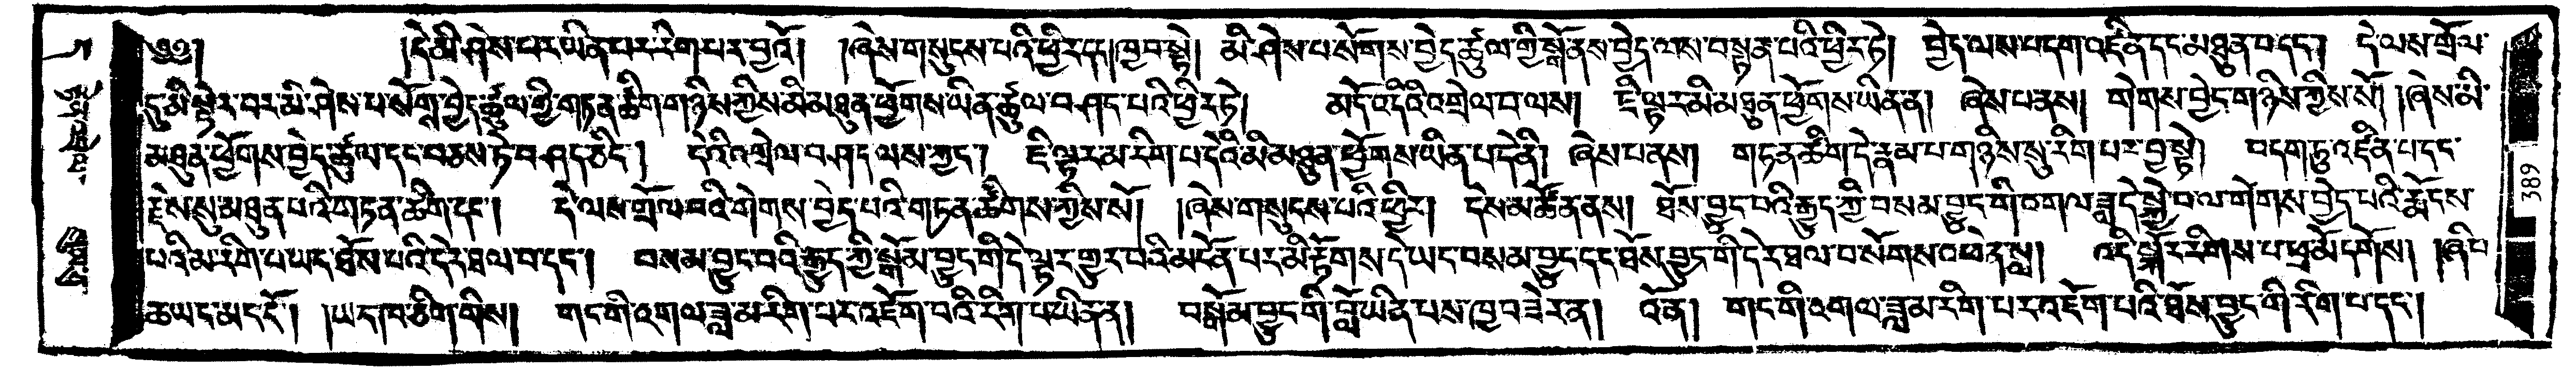༄༅། །དེ་མི་ཤེས་པར་ཡིན་པར་རིག་པར་བྱའོ། །ཞེས་གསུངས་པའི་ཕྱིར་དང་། ཁྱབ་སྟེ། མི་ཤེས་པ་སོགས་བྱེད་ཚུལ་གྱི་སྒོ་ནས་བྱེད་ལས་བསྟན་པའི་ཕྱིར་ཏེ། བྱེད་ལས་བདག་འཛིན་དང་མཐུན་པ་དང་། དེ་ལས་གྲོལ་
དུ་མི་སྟེར་བར་མི་ཤེས་པ་སོགས་བྱེད་ཚུལ་གྱི་གཏན་ཚིག་གཉིས་ཀྱིས་མི་མཐུན་ཕྱོགས་ཡིན་ཚུལ་བཤད་པའི་ཕྱིར་ཏེ། མདོ་འདིའི་འགྲེལ་བ་ལས། ཇི་ལྟར་མི་མཐུན་ཕྱོགས་ཡིན་ན། ཞེས་པ་ནས། གེགས་བྱེད་གཉིས་ཀྱིས་སོ། །ཞེས་མི་
མཐུན་ཕྱོགས་བྱེད་ཚུལ་དང་བཅས་ཏེ་བཤད་ཅིང་། དེའི་འགྲེལ་བཤད་ལས་ཀྱང་། ཇི་ལྟར་མ་རིག་པ་དེའི་མི་མཐུན་ཕྱོགས་ཡིན་པ་དེ་ནི། ཞེས་པ་ནས། གཏན་ཚིག་དེ་རྣམ་པ་གཉིས་སུ་རིག་པར་བྱ་སྟེ། བདག་ཏུ་འཛིན་པ་དང་
རྗེས་སུ་མཐུན་པའི་གཏན་ཚིག་དང་། དེ་ལས་གྲོལ་བའི་གེགས་བྱེད་པའི་གཏན་ཚིགས་ཀྱིས་སོ། །ཞེས་གསུངས་པའི་ཕྱིར། དེས་མཚོན་ནས། ཐོས་བྱུང་བའི་རྒྱུད་ཀྱི་བསམ་བྱུང་གི་འགལ་ཟླ་དེ་སྐྱེ་བ་ལ་གེགས་བྱེད་པའི་རྨོངས་
པའི་མ་རིག་པ་ཡང་ཐོས་པའི་དེར་ཐལ་བ་དང་། བསམ་བྱུང་བའི་རྒྱུད་ཀྱི་སྒོམ་བྱུང་གི་དེ་ལྟར་གྱུར་པའི་མངོན་པར་མི་རྟོགས་དེ་ཡང་བསམ་བྱུང་དང་ཐོས་བྱུང་གི་དེར་ཐལ་བ་སོགས་འཕེན་སླ། འདི་སྐོར་རིགས་པ་ཕྲ་མོ་དགོས། །ཞི་བ་
ཆ་ཡང་མང་ངོ། །ཡང་ཁ་ཅིག་གིས། གང་གི་འགལ་ཟླ་མ་རིག་པར་འཇོག་པའི་རིག་པ་ཡིན་ན། བསྒོམ་བྱུང་གི་བློ་ཡིན་པས་ཁྱབ་ཟེར་ན། འོ་ན། གང་གི་འགལ་ཟླ་མ་རིག་པར་འཇོག་པའི་ཐོས་བྱུང་གི་རིག་པ་དང་།